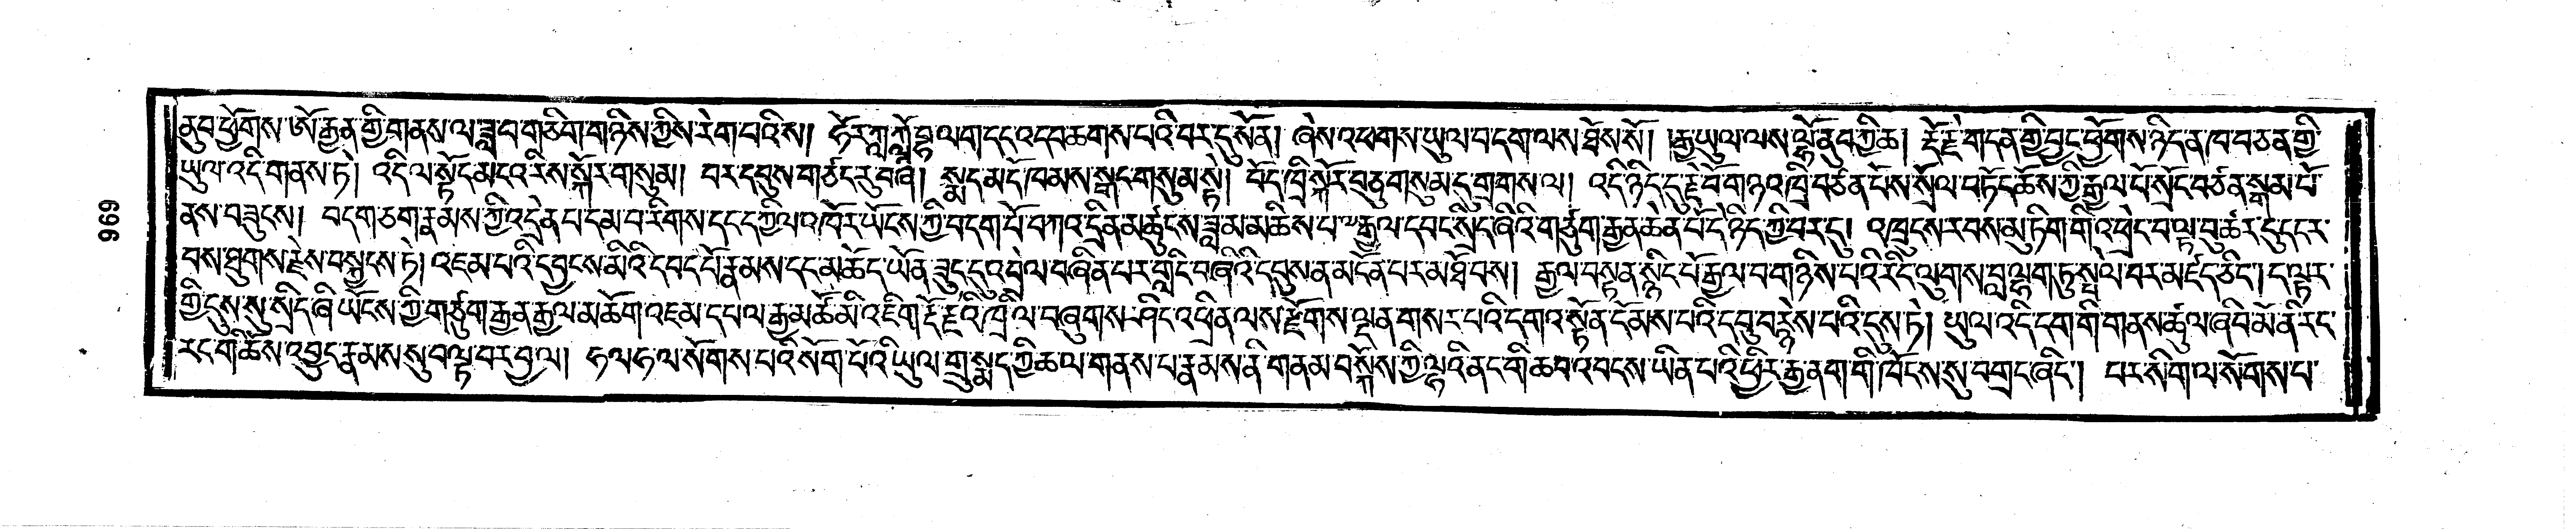ནུབ་ཕྱོགས་ཨོ་རྒྱན་གྱི་གནས་ལ་ཟླ་བ་གཅིག་གཉིས་ཀྱིས་རེག་པའི་ས། ཧོར་ཀླ་ཀློ་བྷ་ལག་དང་འདབ་ཆགས་པའི་བར་དུ་སོན། ཞེས་འཕགས་ཡུལ་བ་དག་ལས་ཐོས་སོ། །རྒྱ་ཡུལ་ལས་ལྷོ་ནུབ་ཀྱི་ཆ། རྡོ་རྗེ་གདན་གྱི་བྱང་ཕྱོགས་ཉིད་ན་ཁ་བ་ཅན་གྱི་
ཡུལ་འདི་གནས་ཏེ། འདི་ལ་སྟོང་མངའ་རིས་སྐོར་གསུམ། བར་དབུས་གཙང་རུ་བཞི། སྨད་མདོ་ཁམས་སྒང་གསུམ་སྟེ། བོད་ཁྲི་སྐོར་བཅུ་གསུམ་དུ་གྲགས་ལ། འདི་ཉིད་དུ་རྗེ་བོ་གཉའ་ཁྲི་བཙན་པོས་སྲོལ་བཏོད་ཆོས་ཀྱི་རྒྱལ་པོ་སྲོང་བཙན་སྒམ་པོ་
ནས་བཟུངས། བདག་ཅག་རྣམས་ཀྱི་འདྲེན་པ་དམ་པ་རིགས་དང་དཀྱིལ་འཁོར་ཡོངས་ཀྱི་བདག་པོ་བཀའ་དྲིན་མཚུངས་ཟླ་མ་མཆིས་པ ༧རྒྱལ་དབང་སྲིད་ཞིའི་གཙུག་རྒྱན་ཆེན་པོ་དེ་ཉིད་ཀྱི་བར་དུ། འཁྲུངས་རབས་མུ་ཏིག་གི་འཕྲེང་བ་ལྟ་བུ་ཚར་དུ་དངར་
བས་ཐུགས་རྗེས་བསྐྱངས་ཏེ། འཇམ་པའི་དབྱངས་མིའི་དབང་པོ་རྣམས་དང་མཆོད་ཡོན་ཟུང་དུ་འབྲེལ་བཞིན་པར་གླིང་བཞིའི་དབུས་ན་མངོན་པར་མཐོ་བས། རྒྱལ་བསྟན་སྙིང་པོ་རྒྱལ་བ་གཉིས་པའི་རིང་ལུགས་བླ་ལྷག་ཏུ་སྤེལ་བར་མཛད་ཅིང་། ད་ལྟར་
གྱི་དུས་སུ་སྲིད་ཞི་ཡོངས་ཀྱི་གཙུག་རྒྱན་རྒྱལ་མཆོག་འཇམ་དཔལ་རྒྱ་མཚོ་མི་འཇིག་རྡོ་རྗེའི་ཁྲིལ་བཞུགས་ཤིང་འཕྲིན་ལས་རྫོགས་ལྡན་གསར་པའི་དགའ་སྟོན་དོམས་པའི་དབུ་བརྙེས་པའི་དུས་ཏེ། ཡུལ་འདི་དག་གི་གནས་ཚུལ་ཞིབ་མོ་ནི་རང་
རང་གི་ཆོས་འབྱུང་རྣམས་སུ་བལྟ་བར་བྱ་ལ། ཧལ་ཧ་ལ་སོགས་པའི་སོག་པོའི་ཡུལ་གྲུ་སྨད་ཀྱི་ཆ་ལ་གནས་པ་རྣམས་ནི་གནམ་བསྐོས་ཀྱི་ལྷའི་ནང་གི་ཆབ་འབངས་ཡིན་པའི་ཕྱིར་རྒྱ་ནག་གི་ཁོངས་སུ་བགྲང་ཞིང་། པར་སིག་ལ་སོགས་པ་